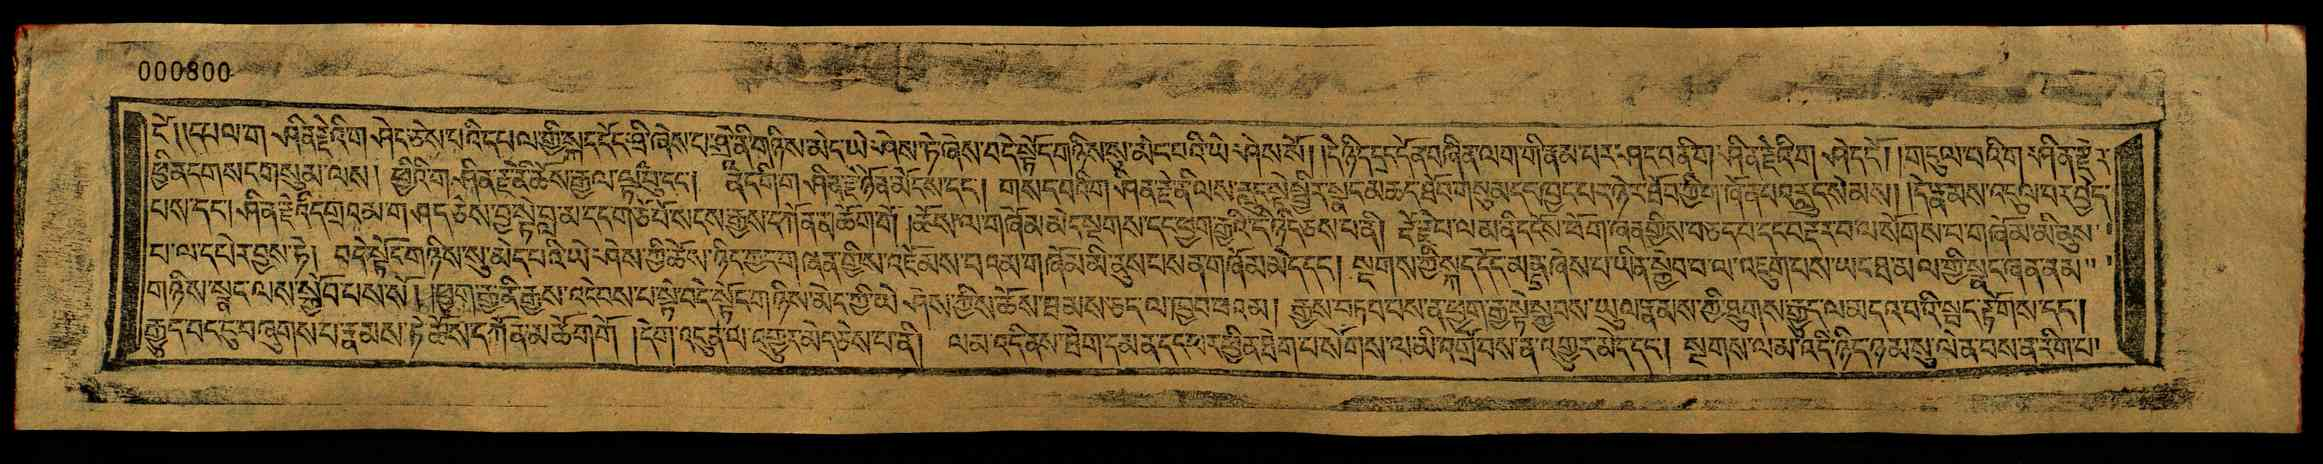ངོ༑ ༑དཔལ་གཤིན་རྗེའི་གཤེད་ཅེས་པའི་དཔལ་གྱི་སྐད་དོད་ཤྲཱི་ཞེས་པ་ཤྲཱི་ནི་གཉིས་མེད་ཡེ་ཤེས་ཏེ་ཞེས་བདེ་སྟོང་གཉིས་སུ་མེད་པའི་ཡེ་ཤེས་སོ། །དེ་ཉིད་དྲང་དོན་བཞིན་ལག་གི་རྣམ་པར་ཤར་བ་ནི་གཤིན་རྗེའི་གཤེད་དོ། །གདུལ་བྱའི་གཤིན་རྗེ་ལ་
ཕྱི་ནང་ནང་གསང་གསུམ་ལས། ཕྱིའི་གཤིན་རྗེ་ནི་ཆོས་རྒྱལ་ལྟ་བུ་དང་། ནང་གི་གཤིན་རྗེ་ཉོན་མོངས་དང་། གསང་བའི་གཤིན་རྗེ་ནི་ལས་རླུང་སྟེ་སྤྱིར་སྣང་མཆེད་ཐོབ་གསུམ་དང་ཁྱད་པར་ཉེར་ཐོབ་ཀྱི་གཞོན་པའི་རླུང་སེམས། །དེ་རྣམས་འདུལ་བར་བྱེད་
པས། གཤིན་རྗེའི་དགྲའམ་གཤེད་ཅེས་བྱ་སྟེ་བླ་མ་དང་གཙོ་བོ་སངས་རྒྱས་དཀོན་མཆོག་གོ །ཆོས་ལ་གཞོམ་མེད་སྔགས་དང་ཕྱག་རྒྱའི་དེ་ཉིད་ཅེས་པ་ནི། རྡོ་རྗེ་ཕ་ལམ་ནི་དངོས་པོ་གཞན་གྱིས་བཅད་པ་དང་བརྡར་བ་ལ་སོགས་པ་གཞོམ་མི་ནུས་
པལ་དཔེར་བྱས་ཏེ། བདེ་སྟོང་གཉིས་སུ་མེད་པའི་ཡེ་ཤེས་ཀྱི་ཆོས་ཉིད་ཀྱང་གཞན་གྱིས་འཇོམས་པའམ་གཞོམ་མི་ནུས་པས་ན་གཞོམ་མེད་དང་། སྔགས་ཀྱི་སྐད་དོད་མནྟྲ་ཞེས་པ་ཡིད་སྐྱོབ་པ་ལ་འཇུག་པས་ཡིད་ཐ་མལ་གྱི་སྣང་ཞེན་ནམ་གཉིས་སྣང་ལས་སྐྱོབ་པས་སོ། །ཕྱག་རྒྱ་ནི་རྒྱས་འདེབས་པ་སྟེ་བདེ་སྟོང་གཉིས་མེད་ཀྱི་ཡེ་ཤེས་ཀྱིས་ཆོས་ཐམས་ཅད་ལ་ཁྱབ་པའམ། རྒྱས་བཏབ་པས་ན་ཕྱག་རྒྱ་སྟེ་སྐྱབས་ཡུལ་རྣམས་ཀྱི་ཐུགས་རྒྱུད་ལ་མངའ་བའི་སྤང་སྟོགས་དང་།
རྒྱུད་ཁང་དུ་བཞུགས་པ་རྣམས་ཏེ་ཆོས་དཀོན་མཆོག་གོ །དགེ་འདུན་ལ་འགྱུར་མེད་ཅེས་པ་ནི། ལམ་འདི་ནས་ཐེག་དམན་དང་ཕར་ཕྱིན་ཐེག་པ་སོགས་ལ་མི་འགྲོ་བས་ན་འགྱུར་མེད་དང་། སྔགས་ལམ་འདི་ཉིད་ཉམས་སུ་ལེན་པས་ན་རིག་པ་